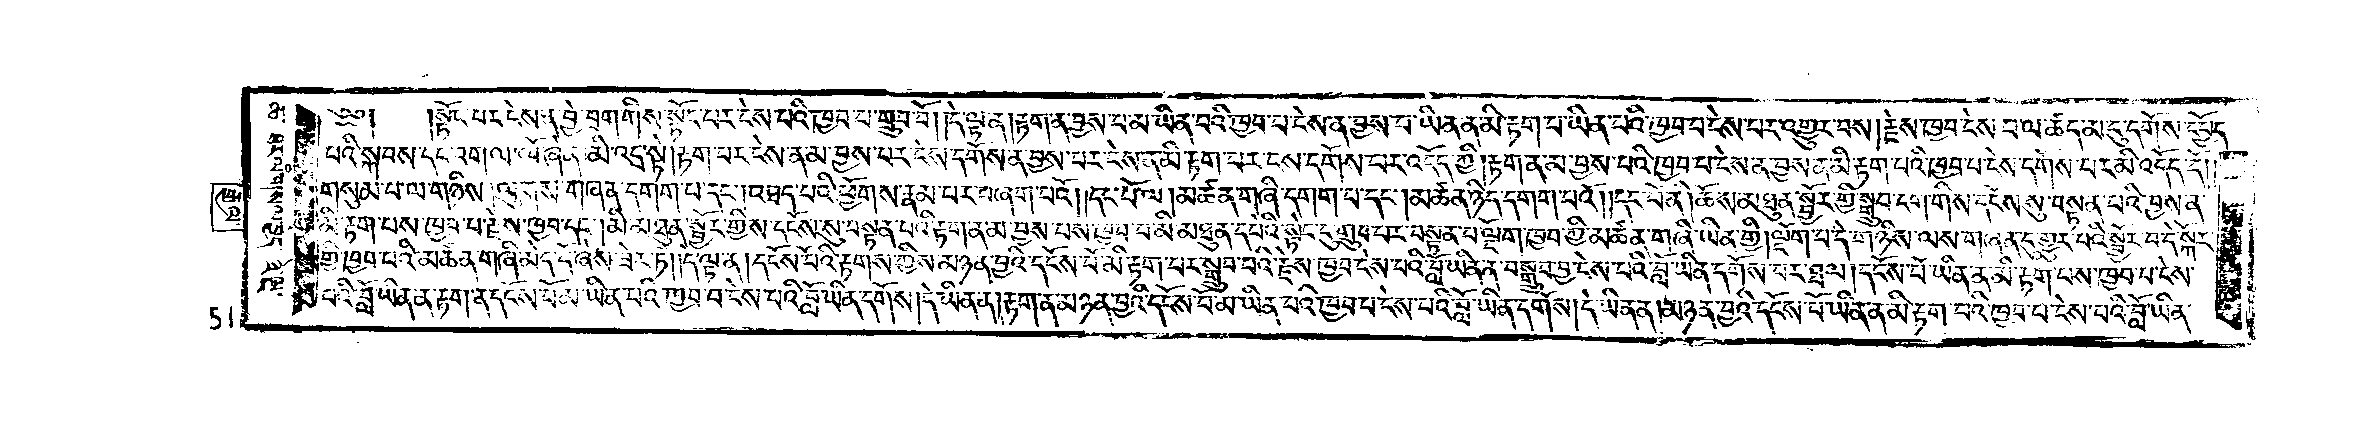༄༅། །སྟོང་པར་ངེས་ན་བྱེ་བྲག་གིས་སྟོང་པར་ངེས་པའི་ཁྱབ་པ་གྲུབ་བོ། །དེ་ལྟ་ན། རྟག་ན་བྱས་པ་མ་ཡིན་པའི་ཁྱབ་པ་ངེས་ན་བྱས་པ་ཡིན་ན་མི་རྟག་པ་ཡིན་པའི་ཁྱབ་པ་ངེས་པར་འགྱུར་བས། རྗེས་ཁྱབ་ངེས་པ་ལ་ཚད་མ་དུ་དགོས་དཔྱོད་
པའི་སྐབས་དང་འགལ་ལོ་ཞེ་ན། མི་འདྲ་སྟེ། རྟག་པར་ངེས་ན་མ་བྱས་པར་ངེས་དགོས་ན་བྱས་པར་ངེས་ན་མི་རྟག་པར་ངེས་དགོས་པར་འདོད་ཀྱི། རྟག་ན་མ་བྱས་པའི་ཁྱབ་པ་ངེས་ན་བྱས་ན་མི་རྟག་པའི་ཁྱབ་པ་ངེས་དགོས་པར་མི་འདོད་དོ། །
གསུམ་པ་ལ་གཉིས། །ལུགས་གཞན་དགག་པ་དང་། འཐད་པའི་ཕྱོགས་རྣམ་པར་བཞག་པའོ། །དང་པོ་ལ། མཚན་གཞི་དགག་པ་དང་། མཚན་ཉིད་དགག་པའོ། །དང་པོ་ནི། ཆོས་མཐུན་སྦྱོར་གྱི་སྒྲུབ་ངག་གིས་དངོས་སུ་བསྟན་པའི་བྱས་ན་
མི་རྟག་པས་ཁྱབ་པ་རྗེས་ཁྱབ་དང་། མི་མཐུན་སྦྱོར་གྱིས་དངོས་སུ་བསྟན་པའི་རྟག་ན་མ་བྱས་པས་ཁྱབ་པ་མི་མཐུན་དཔེའི་སྟེང་དུ་གྲུབ་པར་བསྟན་པ་ལྡོག་ཁྱབ་ཀྱི་མཚན་གཞི་ཡིན་གྱི། ལྡོག་པ་དེ་གཉིས་ལས་གཞན་དུ་གྱུར་པའི་སྦྱོར་བ་དེ་སྐོར་
གྱི་ཁྱབ་པའི་མཚན་གཞི་མེད་དོ་ཞེས་ཟེར་ཏོ། །དེ་ལྟ་ན། དངོས་པོའི་རྟགས་ཀྱིས་མཉན་བྱའི་དངོས་པོ་མི་རྟག་པར་སྒྲུབ་པའི་རྗེས་ཁྱབ་ངེས་པའི་བློ་ཡིན་ན་བསྒྲུབ་བྱ་ངེས་པའི་བློ་ཡིན་དགོས་པར་ཐལ། དངོས་པོ་ཡིན་ན་མི་རྟག་པས་ཁྱབ་པ་ངེས་
པའི་བློ་ཡིན་ན་རྟག་ན་དངོས་པོ་མ་ཡིན་པའི་ཁྱབ་པ་ངེས་པའི་བློ་ཡིན་དགོས། དེ་ཡིན་ན། རྟག་ན་མཉན་བྱའི་དངོས་པོ་མ་ཡིན་པའི་ཁྱབ་པ་ངེས་པའི་བློ་ཡིན་དགོས། དེ་ཡིན་ན། མཉན་བྱའི་དངོས་པོ་ཡིན་ན་མི་རྟག་པའི་ཁྱབ་པ་ངེས་པའི་བློ་ཡིན་